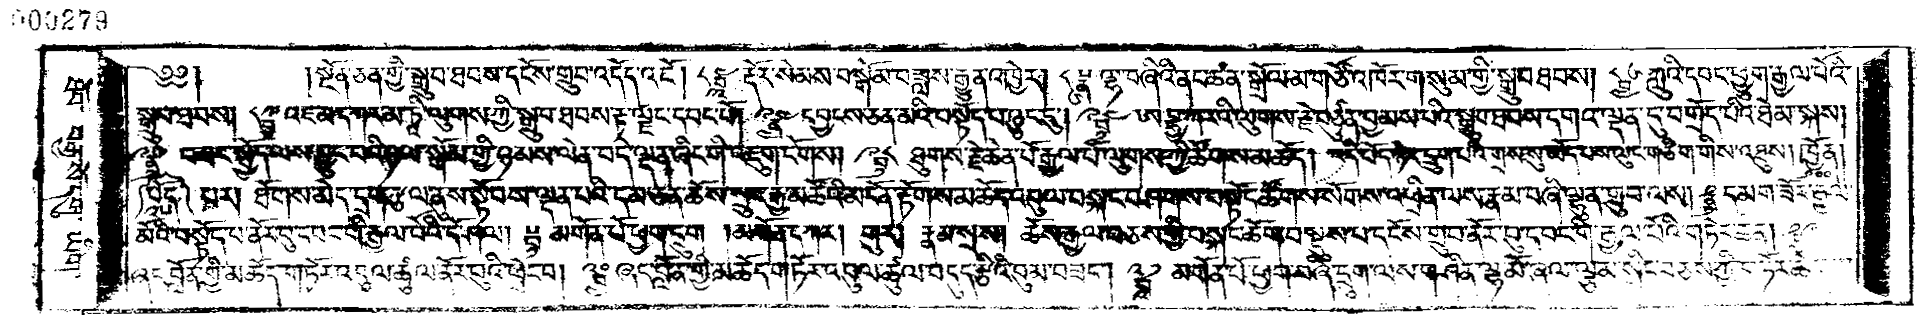༄༅། །སྔོན་ཅན་གྱི་སྒྲུབ་ཐབས་དངོས་གྲུབ་འདོད་འཇོ། ༨༤བ༣་རྡོར་སེམས་བསྒོམ་བཟླས་རྒྱུན་འཁྱེར། ༨༥ན༦་ལྷ་བཞིའི་ནང་ཚན་སྒྲོལ་མ་གཙོ་འཁོར་གསུམ་གྱི་སྒྲུབ་ཐབས། ༨༦བ༤་ཀླུའི་དབང་ཕྱུག་རྒྱལ་པོའི་
སྒྲུབ་ཐབས། ༨༩བ༥་འཇམ་དཀར་མ་ཏཱི་ལུགས་ཀྱི་སྒྲུབ་ཐབས་རྟ་ལྗང་དབང་པོ། ༩༤ན༤་དབྱངས་ཅན་མའི་བསྟོད་པ་ཉུང་དུ། ༩༤བ༡་ཨ་བྷྱ་ཀ་རའི་ལུགས་རྗེ་བཙུན་བྱམས་པའི་སྒྲུབ་ཐབས་དགའ་ལྡན་དུ་བགྲོད་པའི་ཐེམ་སྐས།
༩༦ན༡་བཟང་སྤྱོད་ལས་བྱུང་བའི་ཉལ་སྒོམ་གྱི་ཉམས་ལེན་བདེ་ལྡན་ཞིང་གི་འཇུག་ངོགས། ༩༨བ༡་ཐུགས་རྗེ་ཆེན་པོ་རྒྱལ་པོ་ལུགས་ཀྱི་ཚོགས་མཆོད་འདི་པོད་ཉེར་དྲུག་པའི་གྲས་སུ་ཡོད་པས་ལུང་གཅིག་གིས་འཐུས།  ཁྱོན།
༼པོད༢༥༽ པར། ཐོགས་མེད་དྲག་རྩལ་ནུས་སྟོབས་ལྡན་པའི་དམ་ཅན་ཆོས་སྲུང་རྒྱ་མཚོའི་མངོན་རྟོགས་མཆོད་འབུལ་བསྐང་བཤགས་བསྟོད་ཚོགས་སོགས་འཕྲིན་ལས་རྣམ་བཞི་ལྷུན་གྲུབ་ལས། ༡ན༡་དམག་ཟོར་རྒྱལ་
མོའི་བསྟོད་པ་ནོར་བུ་དབང་གི་རྒྱལ་པོའི་དོ་ཤལ། ༥བ༡་མགོན་པོ་ཕྱག་དྲུག །མགོན་དཀར། གུར། རྣམ་སྲས། ཆོས་རྒྱལ་བཅས་ཀྱི་བསྐང་ཆོག་བསྡུས་པ་དངོས་གྲུབ་ནོར་བུ་དབང་གི་རྒྱལ་པོའི་གཏེར་ཆེན། ༡༩བ༤
ཞང་བློན་གྱི་མཆོད་གཏོར་འབུལ་ཚུལ་ནོར་བུའི་ཕྲེང་བ། ༢༠བ༤་ཞང་བློན་གྱི་མཆོད་གཏོར་འབུལ་ཚུལ་བདུད་རྩིའི་བུམ་བཟང་། ༢༡བ༢་མགོན་པོ་ཕྱག་བཞི་དྲུག་ལས་གཤིན་ལྷ་མོ་ཞལ་ལྕམ་སྲིང་བཅས་ཀྱི་གཏོར་ཆོག་